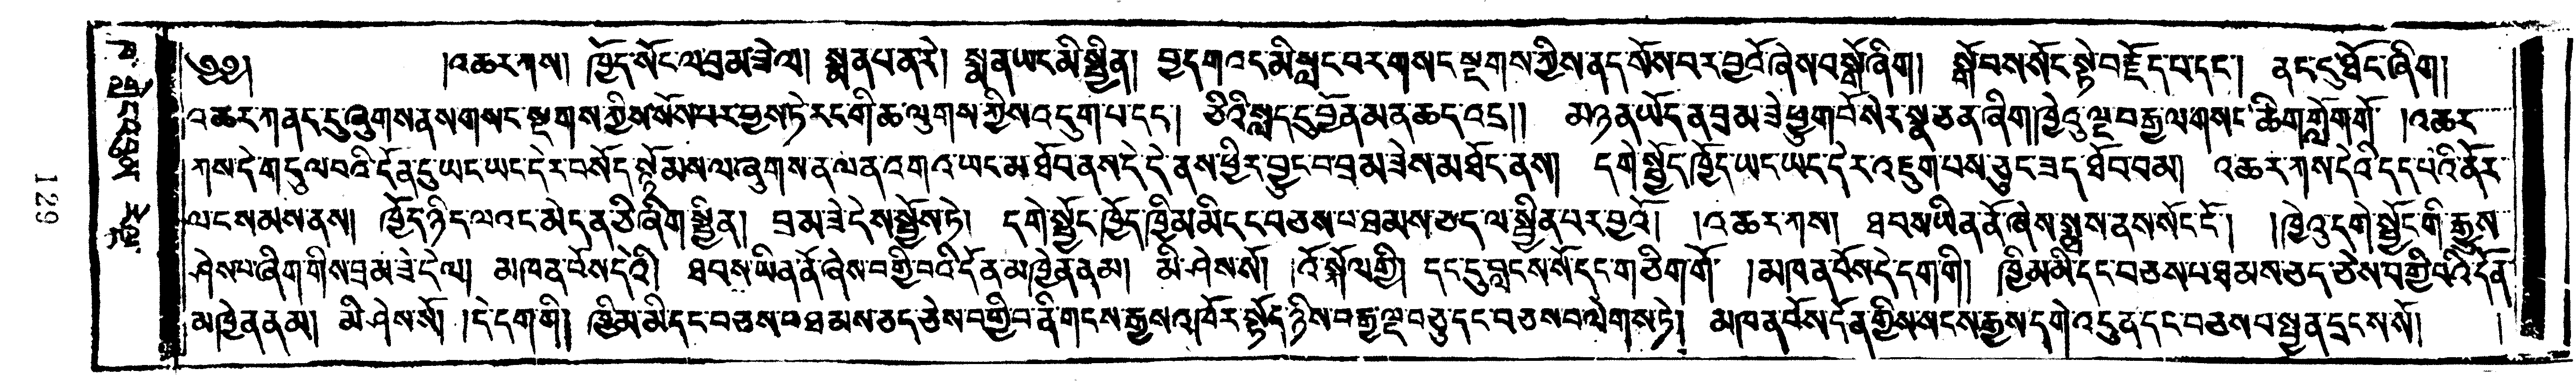༄༅། །འཆར་ཀས། ཁྱོད་སོང་ལ་བྲམ་ཟེ་ལ། སྨན་པ་ན་རེ། སྨན་ཡང་མི་སྦྱིན། བྱ་དགའང་མི་སླང་བར་གསང་སྔགས་ཀྱིས་ནད་སོས་བར་བྱའོ་ཞེས་བསྒོ་ཞིག། སྒོབས་སོང་སྟེ་བརྗོད་པ་དང་། ནང་དུ་ཐོང་ཞིག།
འཆར་ཀ་ནང་དུ་ཞུགས་ནས་གསང་སྔགས་ཀྱིས་སོས་པར་བྱས་ཏེ་རང་གི་ཆ་ལུགས་ཀྱིས་འདུག་པ་དང་། ཅིའི་སླད་དུ་བྱོན་མན་ཆད་འདྲ། མཉན་ཡོད་ན་བྲམ་ཟེ་ཕྱུག་པོ་སེར་སྣ་ཅན་ཞིག་ཁྱེའུ་ལྔ་བརྒྱ་ལ་གསང་ཚིག་གློག་གོ །འཆར་
ཀས་དེ་གདུལ་བའི་དོན་དུ་ཡང་ཡང་དེར་བསོད་སྙོམས་ལ་ཞུགས་ན་ལན་འགའ་ཡང་མ་ཐོབ་ནས་དེ་དེ་ནས་ཕྱིར་བྱུང་བ་བྲམ་ཟེས་མཐོང་ནས། དགེ་སྤྱོད་ཁྱོད་ཡང་ཡང་དེར་འཇུག་པས་ཅུང་ཟད་ཐོབ་བམ། འཆར་ཀས་དེའི་དད་པའི་ནོར་
ལང་སམས་ནས། ཁྱོད་ཉིད་ལའང་མེད་ན་ཅི་ཞིག་སྦྱིན། བྲམ་ཟེ་དེས་སྤོས་ཏེ། དགེ་སྤྱོད་ཁྱོད་ཁྱིམ་མིང་ང་བཅས་པ་ཐམས་ཅད་ལ་སྦྱིན་པར་བྱའོ། །འཆར་ཀས། ཐབས་ཡིན་ནོ་ཞེས་སྨྲས་ནས་སོང་ངོ། །ཁྱེའུ་དགེ་སྦྱོང་གི་རྒྱུས་
ཤེས་པ་ཞིག་གིས་བྲམ་ཟེ་དེ་ལ། མཁན་པོས་དེའི། ཐབས་ཡིན་ནོ་ཞེས་བགྱི་བའི་དོན་མཁྱེན་ནམ། མི་ཤེས་སོ། །འོ་སྐོལ་གྱི། དང་དུ་བླངས་སོ་དང་གཅིག་གོ། མཁན་པོས་དེ་དག་གི། ཁྱིམ་མི་དང་བཅས་པ་ཐམས་ཅད་ཅེས་བགྱི་བའི་དོན་
མཁྱེན་ནམ། མི་ཤེས་སོ། །དེ་དག་གི། ཁྱིམ་མི་དང་བཅས་པ་ཐམས་ཅད་ཅེས་བགྱི་བ་ནི་གངས་རྒྱས་འཁོར་སྟོད་ཉིས་བརྒྱ་ལྔ་བཅུ་དང་བཅས་བ་ལེགས་ཏེ། མཁན་པོས་དོན་གྱིས་སངས་རྒྱས་དགེ་འདུན་དང་བཅས་པ་སྤྱན་དྲངས་སོ། །